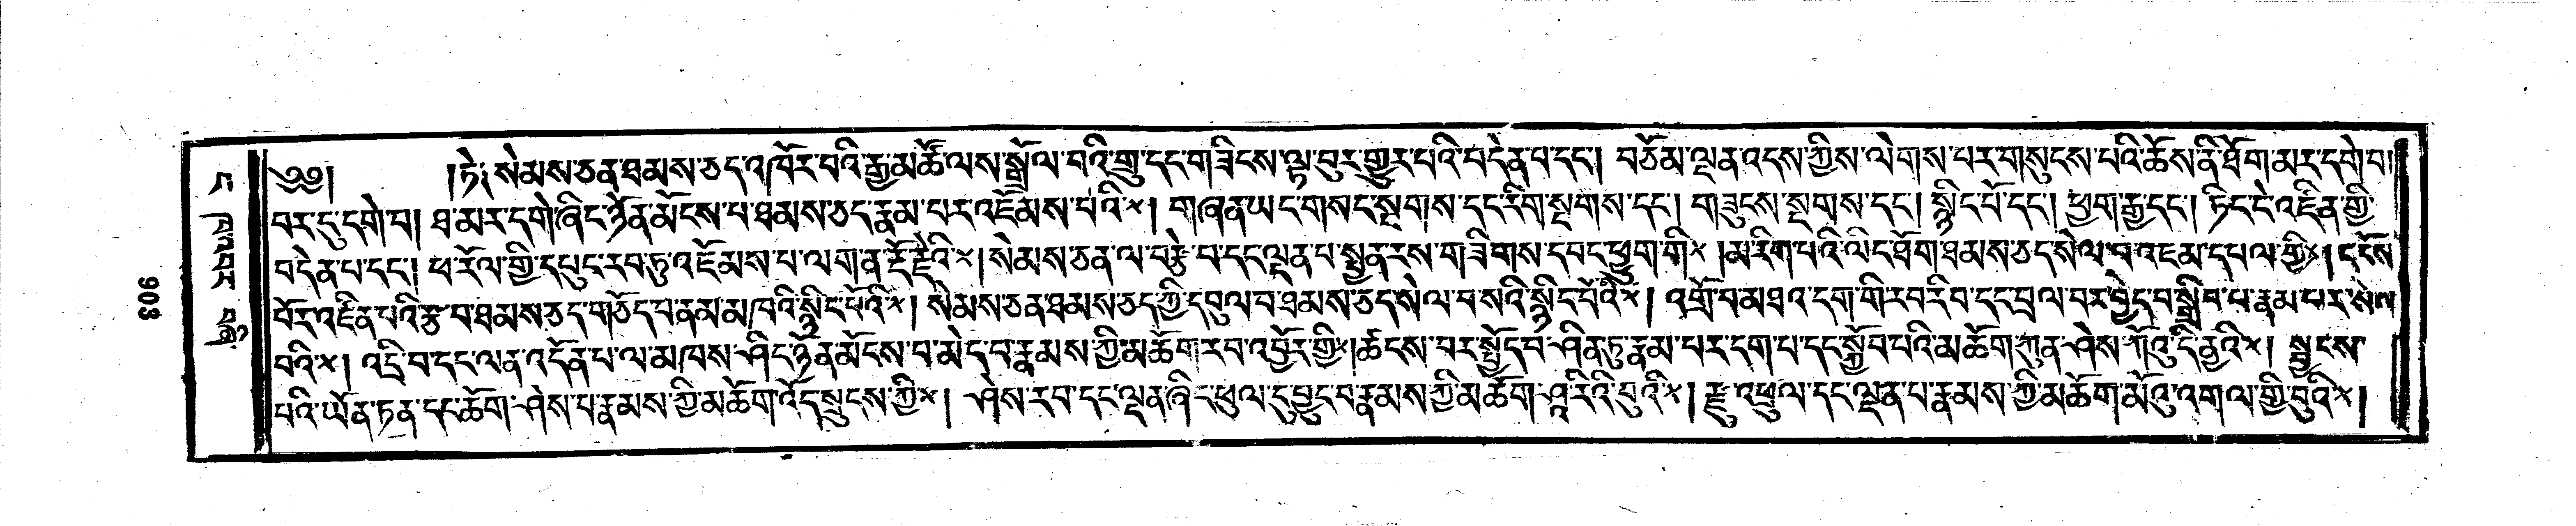༄༅། །ཏེ༑ སེམས་ཅན་ཐམས་ཅད་འཁོར་བའི་རྒྱ་མཚོ་ལས་སྒྲོལ་བའི་གྲུ་དང་གཟིངས་ལྟ་བུར་གྱུར་པའི་བདེན་པ་དང་། བཅོམ་ལྡན་འདས་ཀྱིས་ལེགས་པར་གསུངས་པའི་ཆོས་ནི་ཐོག་མར་དགེ་བ།
བར་དུ་དགེ་བ། ཐ་མར་དགེ་ཞིང་ཉོན་མོངས་པ་ཐམས་ཅད་རྣམ་པར་འཇོམས་པའི་྾། གཞན་ཡང་གསང་སྔགས་དང་རིག་སྔགས་དང་། གཟུགས་སྔགས་དང་། སྙིང་པོ་དང་། ཕྱག་རྒྱ་དང་། ཏིང་ངེ་འཛིན་གྱི་
བདེན་པ་དང་། ཕ་རོལ་གྱི་དཔུང་རབ་ཏུ་འཇོམས་པ་ལག་ན་རྡོ་རྗེའི་྾། སེམས་ཅན་ལ་བརྩེ་བ་དང་ལྡན་པ་སྤྱན་རས་གཟིགས་དབང་ཕྱུག་གི་྾། མ་རིག་པའི་ལིང་ཐོག་ཐམས་ཅད་སེལ་བ་འཇམ་དཔལ་གྱི་྾། དངོས་
པོར་འཛིན་པའི་རྩ་བ་ཐམས་ཅད་གཅོད་པ་ནམ་མཁའི་སྙིང་པོའི་྾། སེམས་ཅན་ཐམས་ཅད་ཀྱི་དབུལ་བ་ཐམས་ཅད་སེལ་བ་སའི་སྙིང་པོའི་྾། འགྲོ་བ་མཐའ་དག་གི་རབ་རིབ་དང་བྲལ་བར་བྱེད་པ་སྒྲིབ་པ་རྣམ་པར་སེལ་
བའི་྾། འདྲི་བ་དང་ལན་འདོན་པ་ལ་མཁས་ཤིང་ཉོན་མོངས་པ་མེད་པ་རྣམས་ཀྱི་མཆོག་རབ་འབྱོར་གྱི་྾། ཚངས་པར་སྤྱོད་པ་ཤིན་ཏུ་རྣམ་པར་དག་པ་དང་སྐྱོབ་པའི་མཆོག་ཀུན་ཤེས་ཀོའུ་དེ་ནྱའི་྾། སྦྱངས་
པའི་ཡོན་ཏན་དང་ཆོག་ཤེས་པ་རྣམས་ཀྱི་མཆོག་འོད་སྲུངས་ཀྱི་྾། ཤེས་རབ་དང་ལྡན་ཞིང་ཕུལ་དུ་བྱུང་བ་རྣམས་ཀྱི་མཆོག་ཤཱ་རིའི་བུའི་྾། རྫུ་འཕྲུལ་དང་ལྡན་པ་རྣམས་ཀྱི་མཆོག་མོའུ་འགལ་གྱི་བུའི་྾།